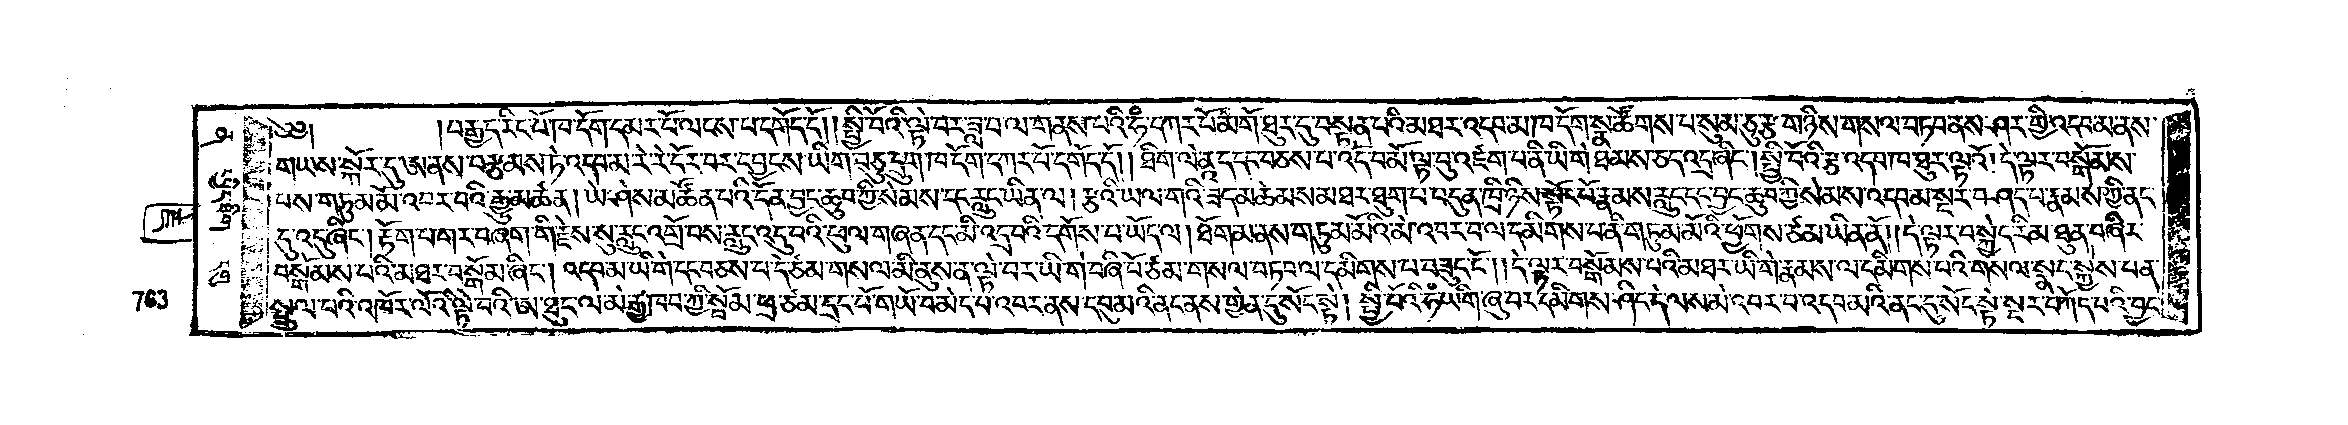༄༅། །བརྒྱད་རིང་པོ་ཁ་དོག་དམར་པོ་ལངས་པ་དགོད་དོ། །སྤྱི་བོའི་ལྟེ་བར་ཟླ་བ་ལ་གནས་པའི་ཧཾ་དཀར་པོ་མགོ་ཐུར་དུ་བསྟན་པའི་མཐར་འདབ་མ་ཁ་དོག་སྣ་ཚོགས་པ་སུམ་ཅུ་རྩ་གཉིས་གསལ་བཏབ་ནས་ཤར་གྱི་འདབ་མ་ནས་
གཡས་སྐོར་དུ་ཨ་ནས་བརྩམས་ཏེ་འདབ་མ་རེ་རེ་དོར་བར་དབྱངས་ཡིག་བཅུ་དྲུག་ཁ་དོག་དཀར་པོ་དགོད་དོ། །ཐིག་ལེ་ནཱ་ད་དང་བཅས་པ་འོད་བ་མེ་ལྟ་བུ་འཛག་པ་ནི་ཡི་གེ་ཐམས་ཅད་འདྲ་ཞིང་། སྤྱི་བོའི་རྩ་འདབ་ཁ་ཐུར་ལྟའོ། །དེ་ལྟར་བསྒོམས་
པས་གཏུམ་མོ་འབར་བའི་རྒྱུ་མཚན། ཡེ་ཤེས་མཚོན་པའི་དོན་བྱང་ཆུབ་ཀྱི་སེམས་དང་རླུང་ཡིན་ལ། རྩའི་ཡལ་གའི་ཟད་མཚམས་མཐར་ཐུག་པ་བདུན་ཁྲི་ཉིས་སྟོང་པོ་རྣམས་རླུང་དང་བྱང་ཆུབ་ཀྱི་སེམས་འདབ་མ་སྔར་བཤད་པ་རྣམས་ཀྱི་ནང་
དུ་འདུ་ཞིང་། རྟོག་པ་གར་བཞག་གི་རྗེས་སུ་རླུང་འགྲོ་བས་རླུང་འདུ་བའི་ཕུལ་གཞན་དང་མི་འདྲ་བའི་དགོས་པ་ཡོད་ལ། ཐོག་མ་ནས་གཏུམ་མོའི་མེ་འབར་བ་ལ་དམིགས་པ་ནི་གཏུམ་མོའི་ཕྱོགས་ཙམ་ཡིན་ནོ། །དེ་ལྟར་བསྐྱེད་རིམ་ཐུན་བཞིར་
བསྒོམས་པའི་མཐར་བསྒོམ་ཞིང་། འདབ་མ་ཡི་གེ་དང་བཅས་པ་དེ་ཙམ་གསལ་མི་ནུས་ན་ལྟེ་བར་ཡི་གེ་བཞི་པོ་ཙམ་གསལ་བཏབ་ལ་དམིགས་པ་བཟུང་ངོ། །དེ་ལྟར་བསྒོམས་པའི་མཐར་ཡི་གེ་རྣམས་ལ་དམིགས་པའི་གསལ་སྣང་སྐྱེས་པ་ན་
སྤྲུལ་པའི་འཁོར་ལོའི་ལྟེ་བའི་ཨ་ཐུང་ལ་མེ་རྒྱ་ཁབ་ཀྱི་སྦོམ་ཕྲ་ཙམ་དྲང་པོ་གཡོ་བ་མེད་པ་འབར་ནས་དབུ་མའི་ནང་ནས་གྱེན་དུ་སོང་སྟེ། སྤྱི་བོའི་ཧཾ་ཡིག་ཞུ་བར་དམིགས་ཤིང་དེ་ལས་མེ་འབར་བ་འདབ་མའི་ནང་དུ་སོང་སྟེ་སྔར་བཀོད་པའི་བྱང་